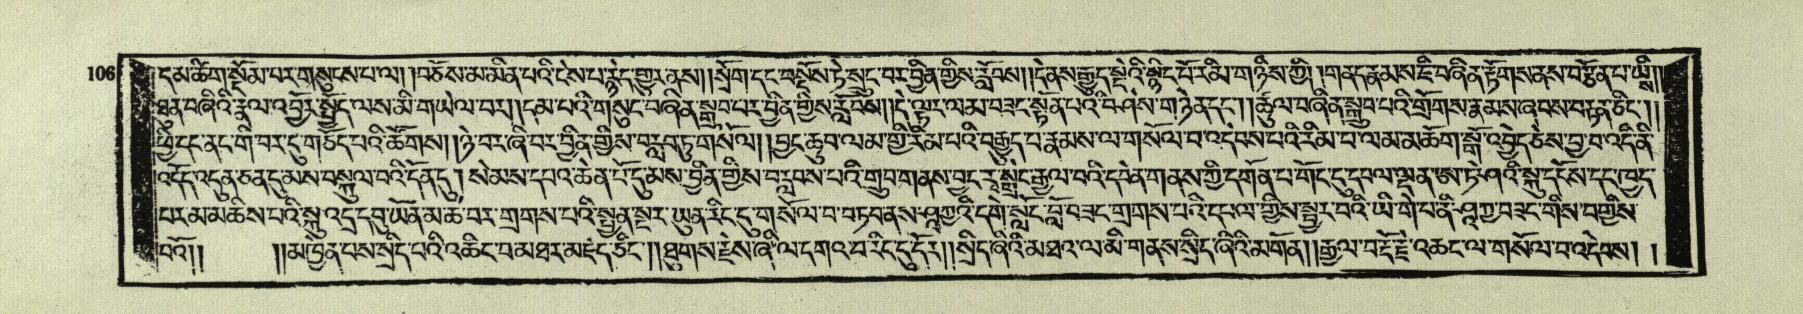དམ་ཚིག་སྡོམ་པར་གསུངས་པ་ལ། །བཅོས་མ་མིན་པའི་ངེས་པ་རྙེད་གྱུར་ནས། །སྲོག་དང་བསྔོས་ཏེ་སྲུང་བར་བྱིན་གྱིས་རློབས། །དེ་ནས་རྒྱུད་སྡེའི་སྙིང་པོ་རིམ་གཉིས་ཀྱི། །གནད་རྣམས་ཇི་བཞིན་རྟོགས་ནས་བརྩོན་པ་ཡིས།།
ཐུན་བཞིའི་རྣལ་འབྱོར་སྤྱོད་ལས་མི་གཡེལ་བར། །དམ་པའི་གསུང་བཞིན་སྒྲུབ་པར་བྱིན་གྱིས་རློབས། །དེ་ལྟར་ལམ་བཟང་སྟོན་པའི་བཤེས་གཉེན་དང་། །ཚུལ་བཞིན་སྒྲུབ་པའི་གྲོགས་རྣམས་ཞབས་བརྟན་ཅིང་། །
ཕྱི་དང་ནང་གི་བར་དུ་གཅོད་པའི་ཚོགས། །ཉེ་བར་ཞི་བར་བྱིན་གྱིས་བརླབ་ཏུ་གསོལ། །བྱང་ཆུབ་ལམ་གྱི་རིམ་པའི་བརྒྱུད་པ་རྣམས་ལ་གསོལ་བ་འདེབས་པའི་རིམ་པ་ལམ་མཆོག་སྒོ་འབྱེད་ཅེས་བྱ་བ་འདི་ནི་
འདོད་འདུན་ཅན་དུ་མས་བསྐུལ་བའི་དོན་དུ། སེམས་དཔའ་ཆེན་པོ་དུ་མས་བྱིན་གྱིས་བརླབས་པའི་གྲུབ་གནས་བྱང་རྭ་སྒྲེང་རྒྱལ་བའི་དབེན་གནས་ཀྱི་དགོན་པ་གོང་དུ་དཔལ་ལྡན་ཨ་ཏེ་ཤའི་སྐུ་དངོས་དང་ཁྱད་
པར་མ་མཆིས་པའི་སྐུ་འདྲ་དབུ་ཡོན་མ་ཆ་བར་གྲགས་པའི་སྤྱན་སྔར་ཡུན་རིང་དུ་གསོལ་བ་བཏབ་ནས་ཤཱཀྱའི་དགེ་སློང་བློ་བཟང་གྲགས་པའི་དཔལ་གྱིས་སྦྱར་བའི་ཡི་གེ་པ་ནི་ཤཱཀྱ་བཟང་གིས་བགྱིས་
པའོ།། །།མཁྱེན་པས་སྲིད་པའི་འཆིང་བ་མཐར་མཛད་ཅིང་། །ཐུགས་རྗེས་ཞི་ལ་དགའ་བ་རིང་དུ་དོར། །སྲིད་ཞིའི་མཐའ་ལ་མི་གནས་སྲིད་ཞིའི་མགོན། །རྒྱལ་བ་རྡོ་རྗེ་འཆང་ལ་གསོལ་བ་འདེབས། །